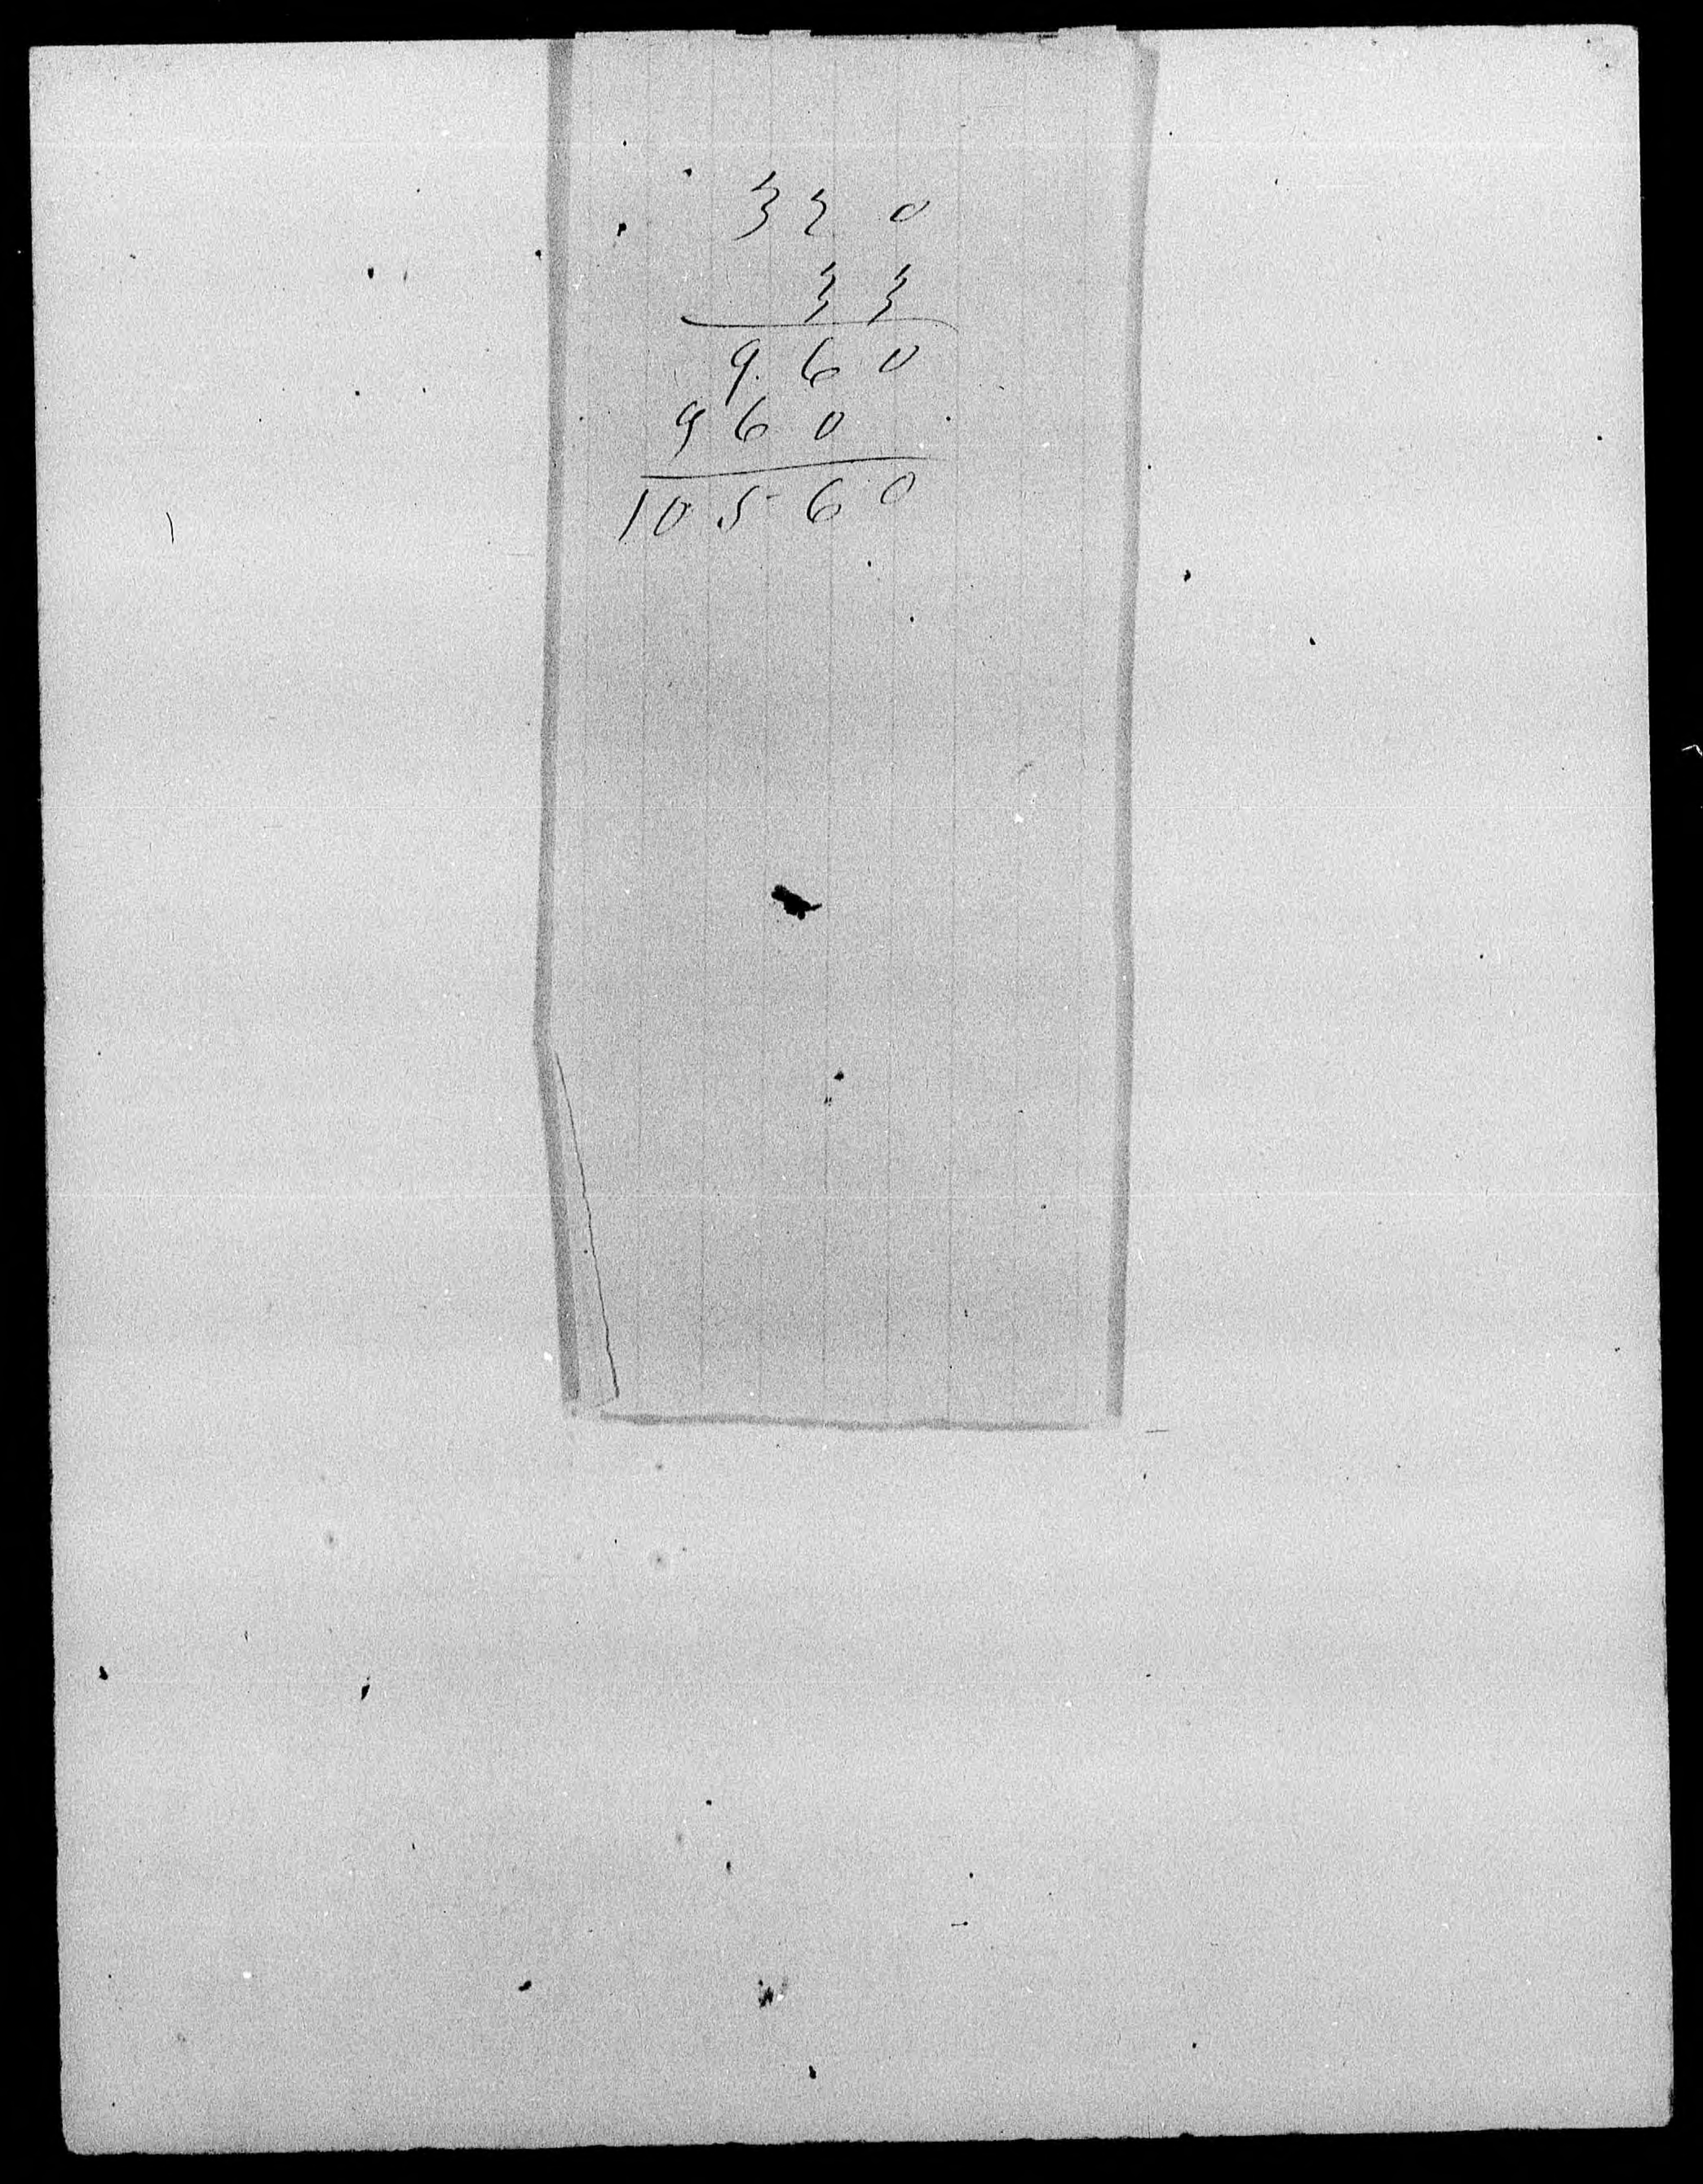32.0
   33
_________
  960
960
_________
10560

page: 35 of 55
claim: survivor's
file: S. 6,937, Joseph Graham, N.C.